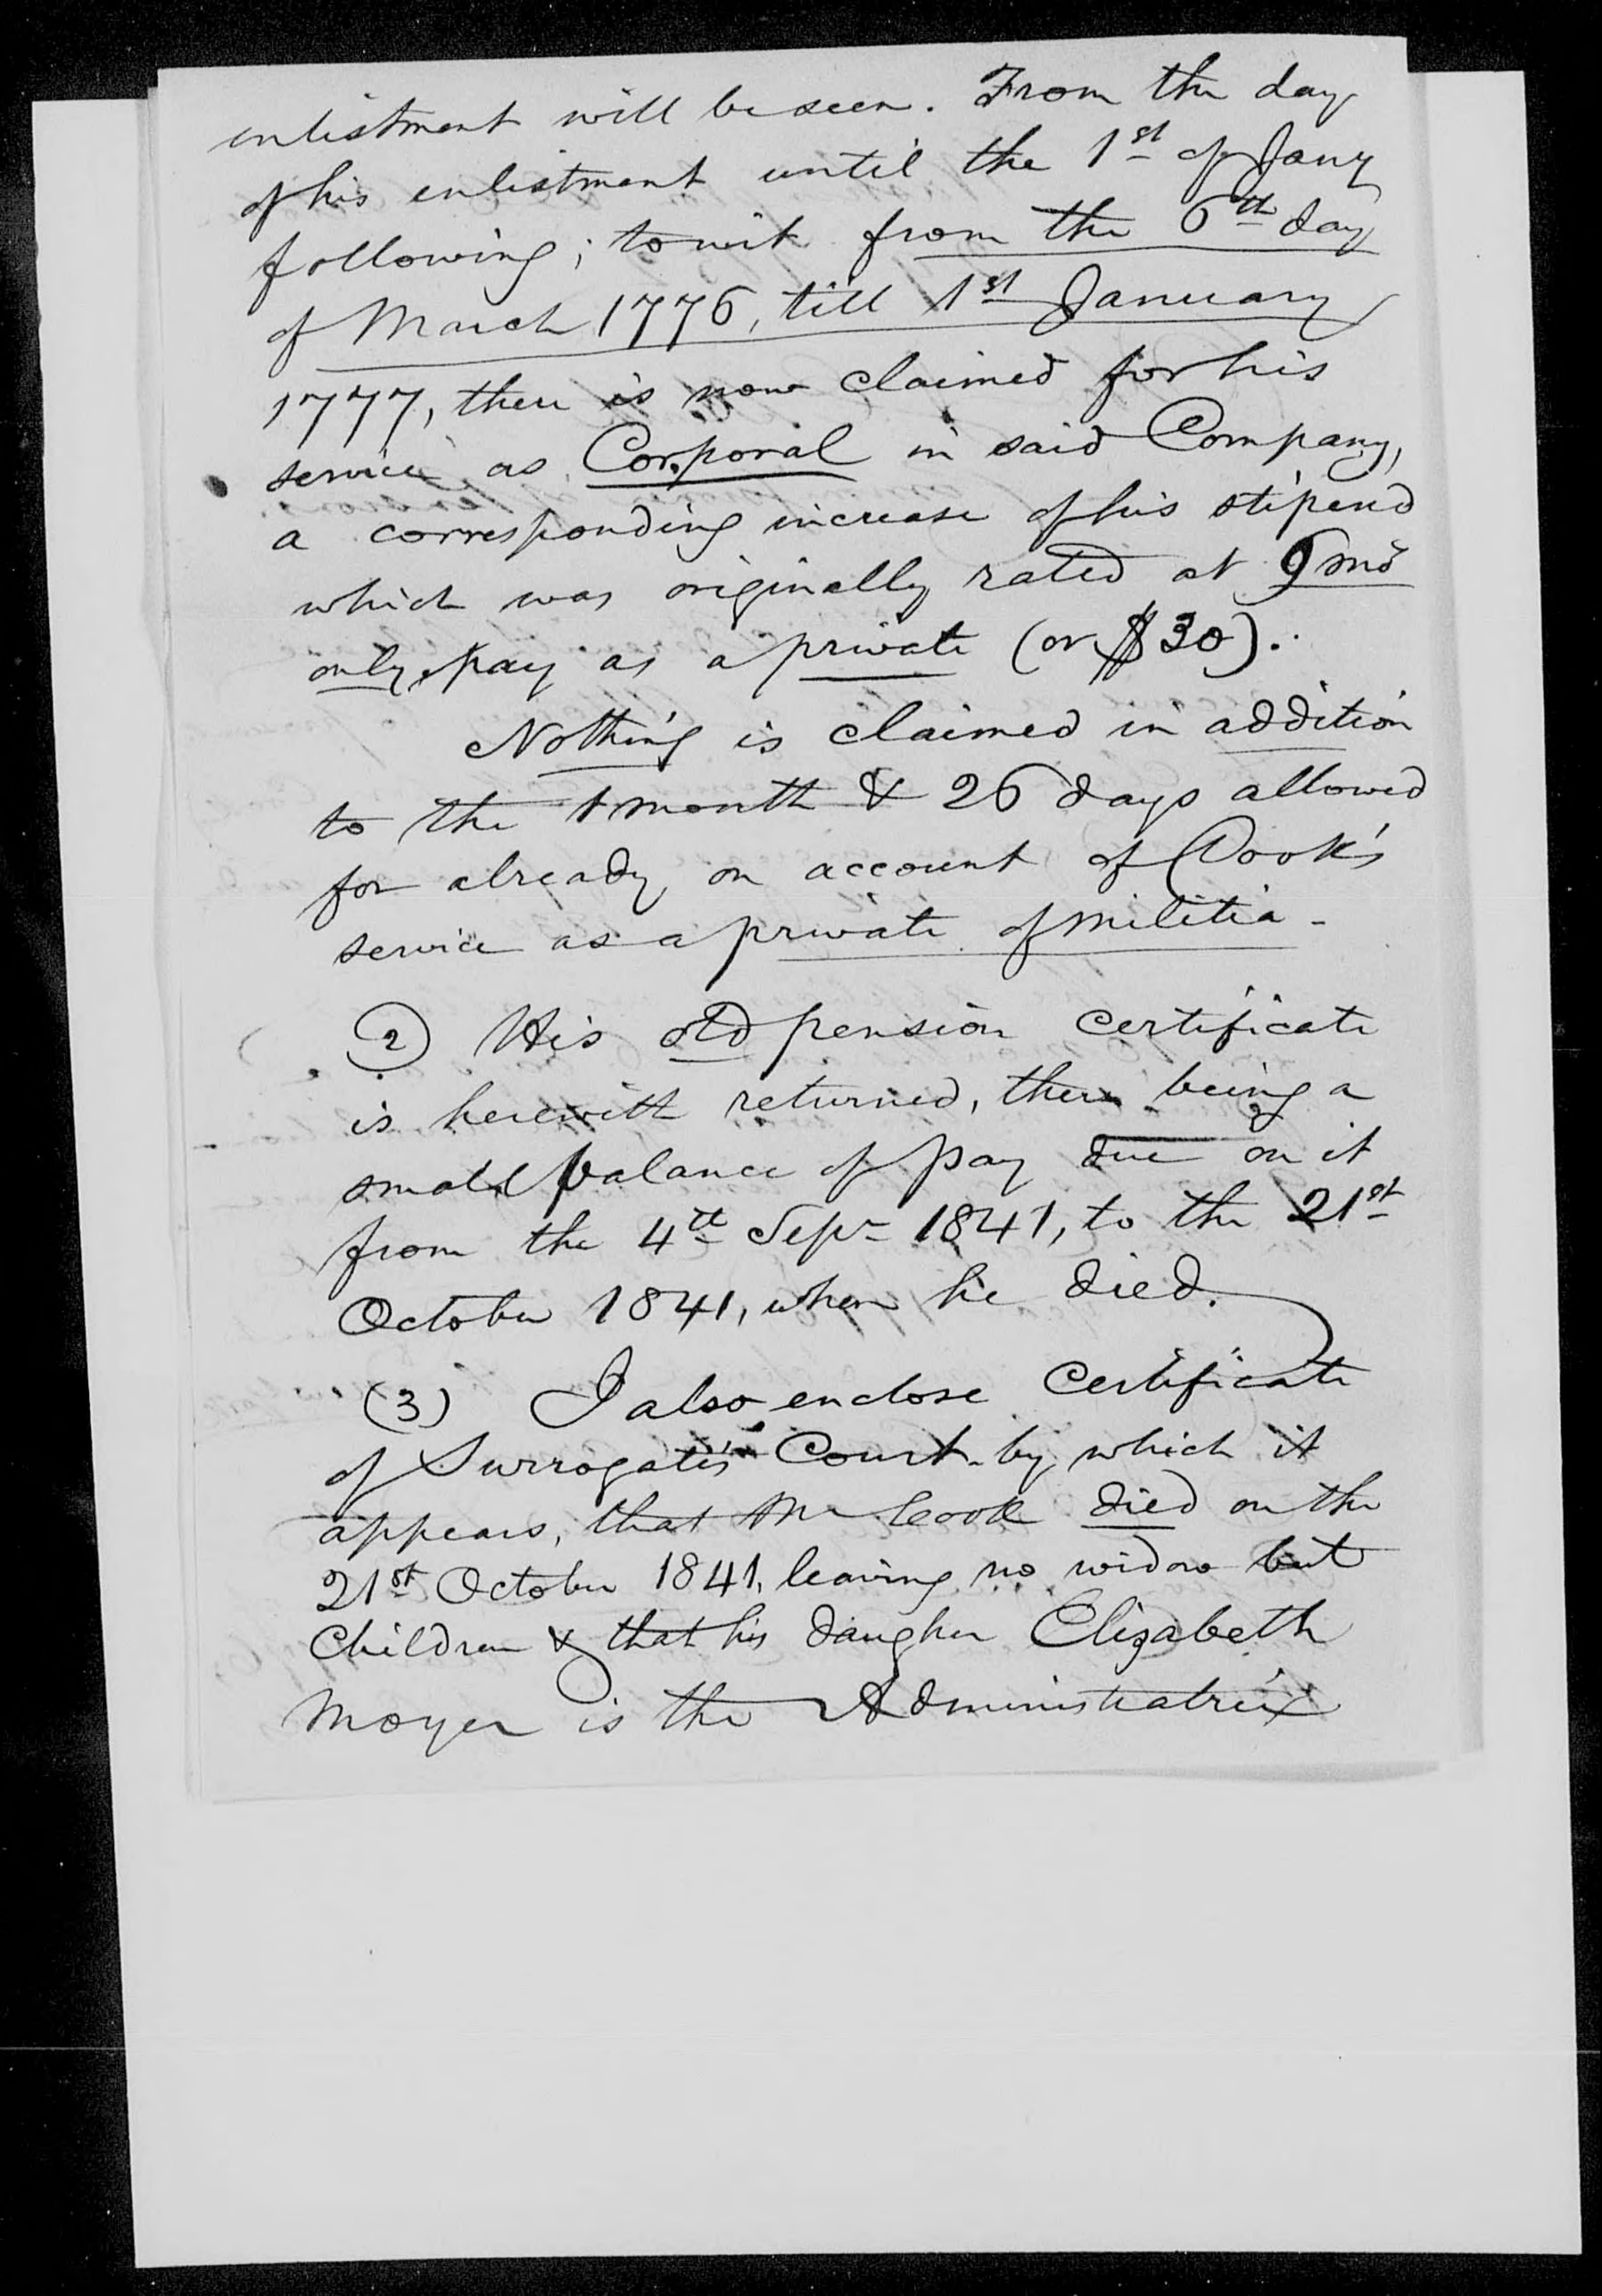enlistment will be seen. From the day of his enlistment following the 1st of Jany following; 
to wit from the 6th day of March 1776, till 1st January 1777, there is now claimed for his
service as Corporal in said Company, a corresponding increase of his stipend which was originally rated at 9 mo only pay as a private (or $30).

Nothing is claimed in addition to the 1 month & 26 days allowed for already on account of Cook's service as a private of militia.

2. His old pension certificate is herewith returned, there being a small balance of pay
one on it from the 4th Sep 1841, to the 21st
October 1841, when he died.

(3) I also enclose certificate of Surrogate's Court by which it appears, that the Cook died on the 21st October 1841, leaving no widow but children & that his daughter Elizabeth
Moyer is the Administratrix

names: Cook, Elizabeth Moyer, Cook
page: 31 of 51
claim: survivor's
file: S. 12563, Severinus Cook, New York